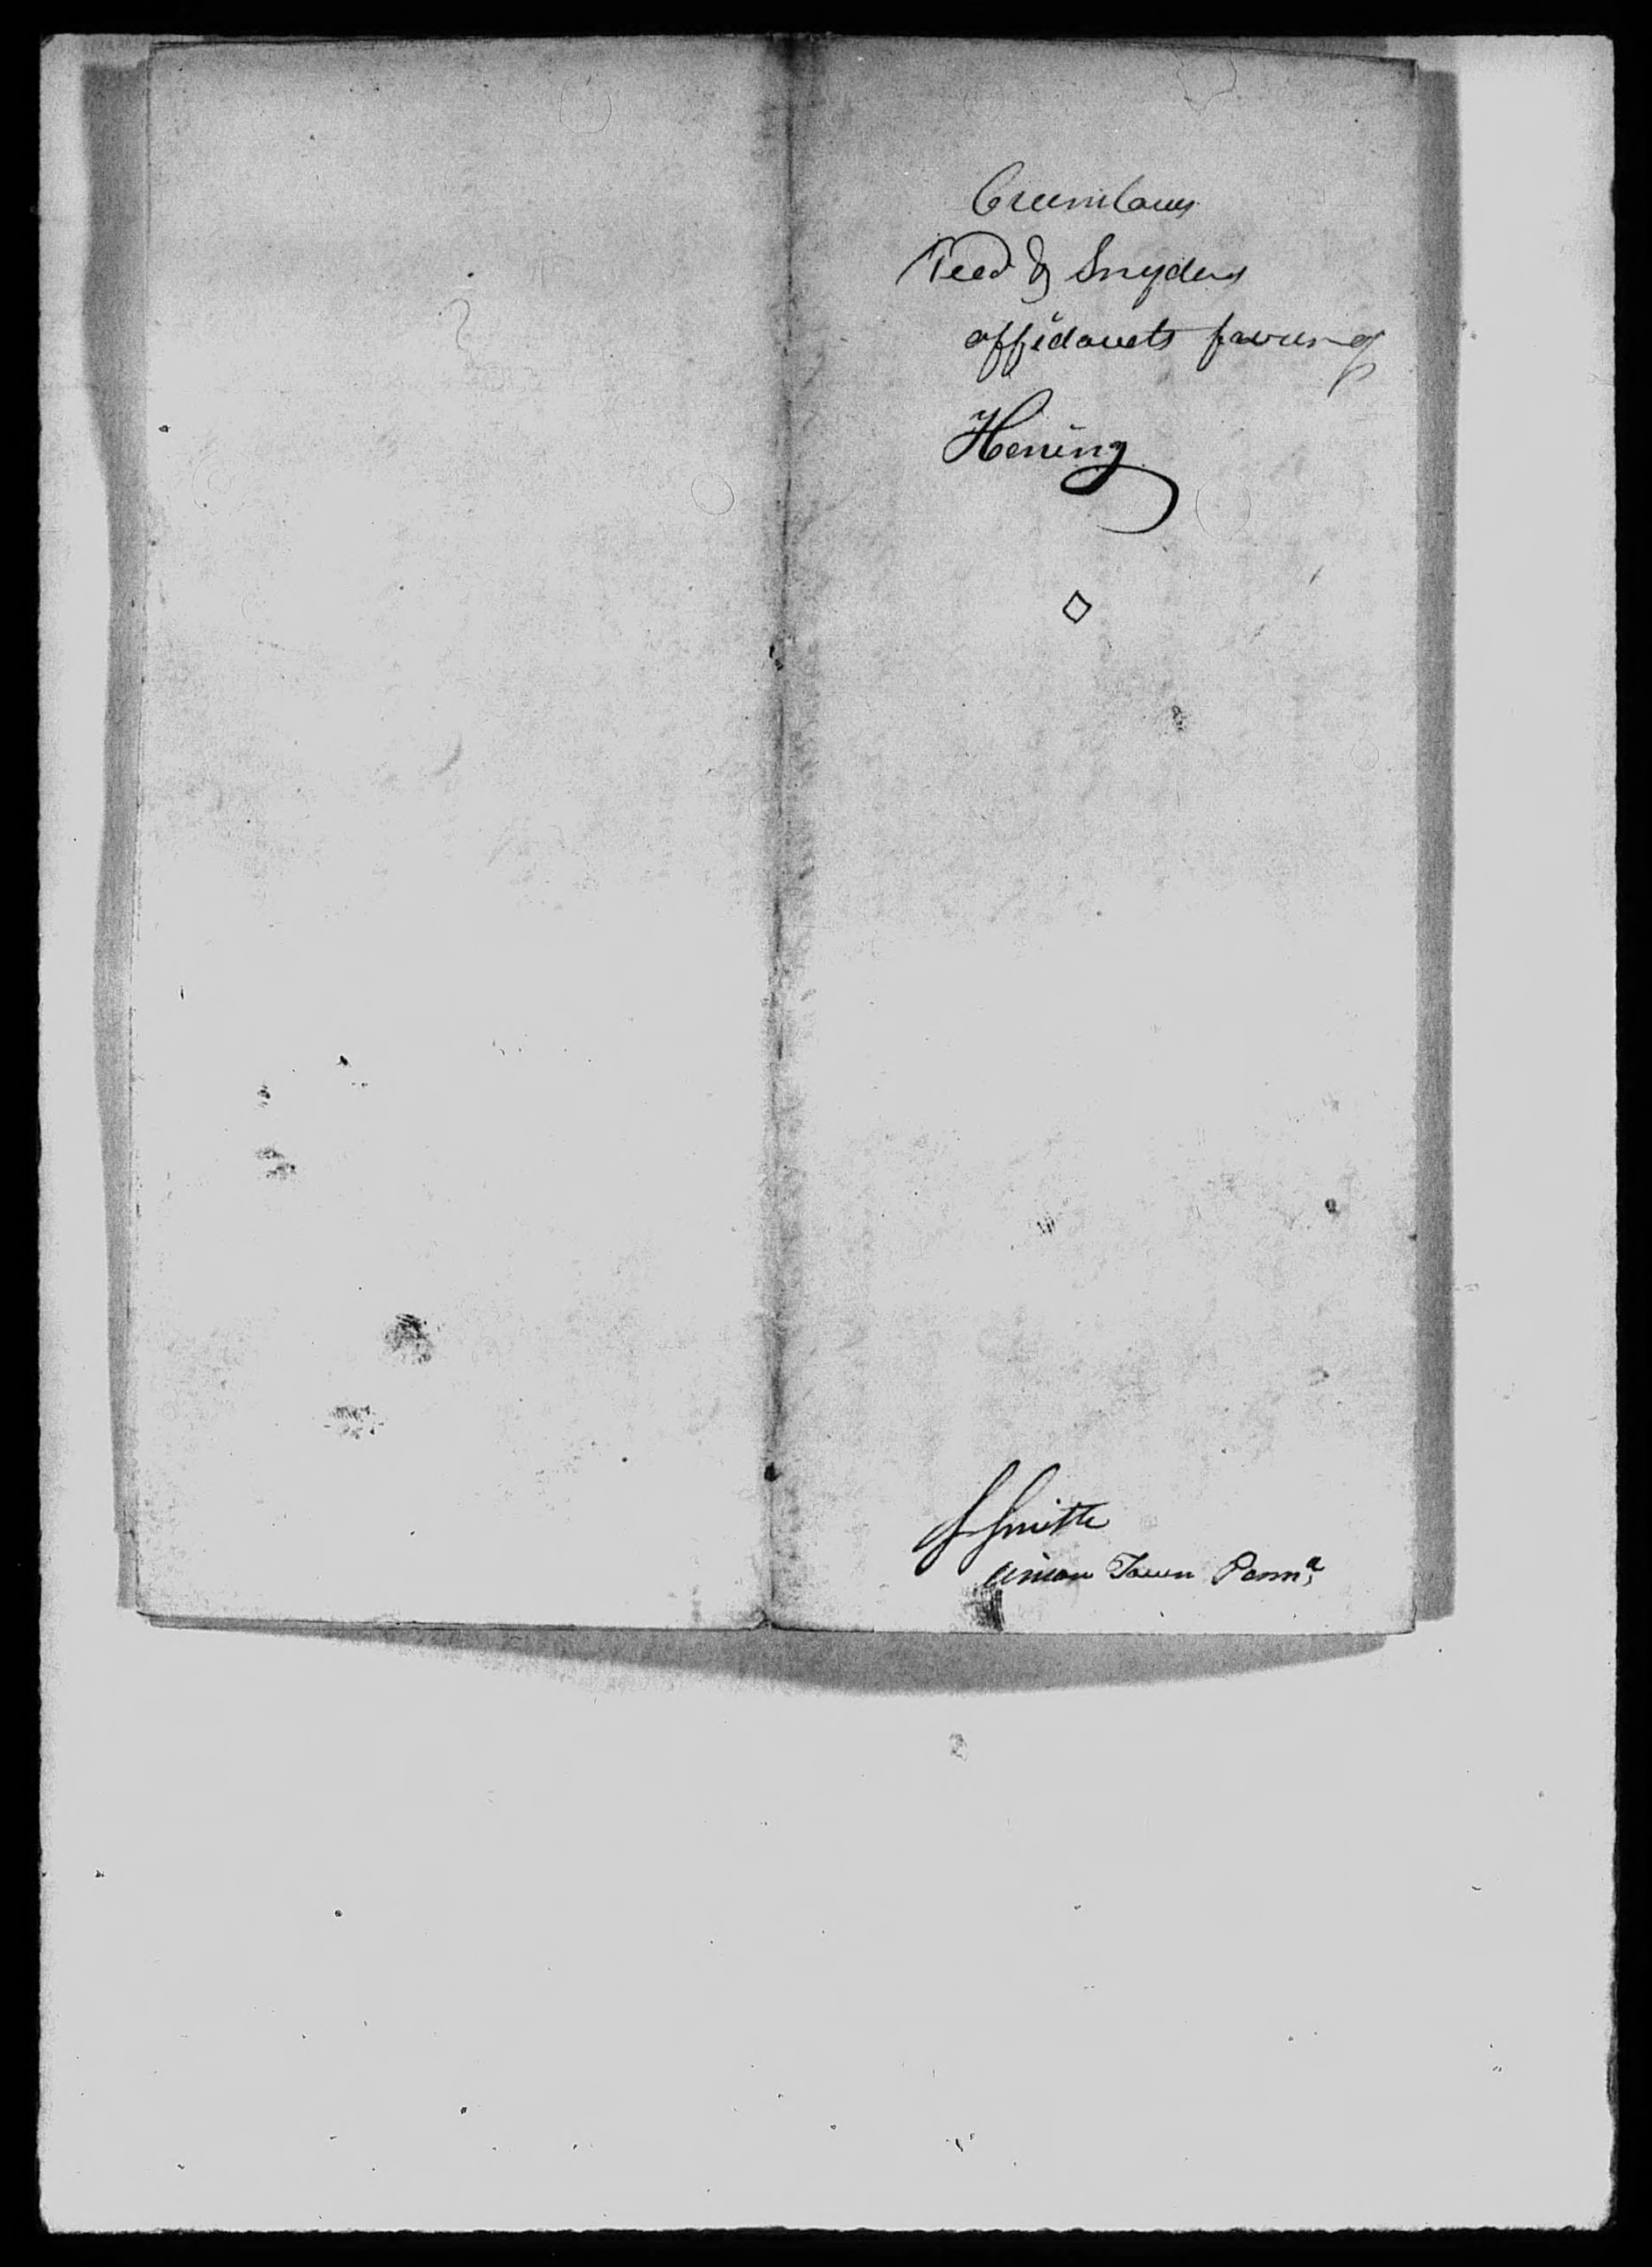[Illegible]
Reed & Snyder, 
affidavits favoring
Henig




S Smith
Union Town Penna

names: Hening, S Smith, Snyder, Reed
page: 12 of 15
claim: survivor's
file: S. 39677, John Hening, Continental (Penn.)